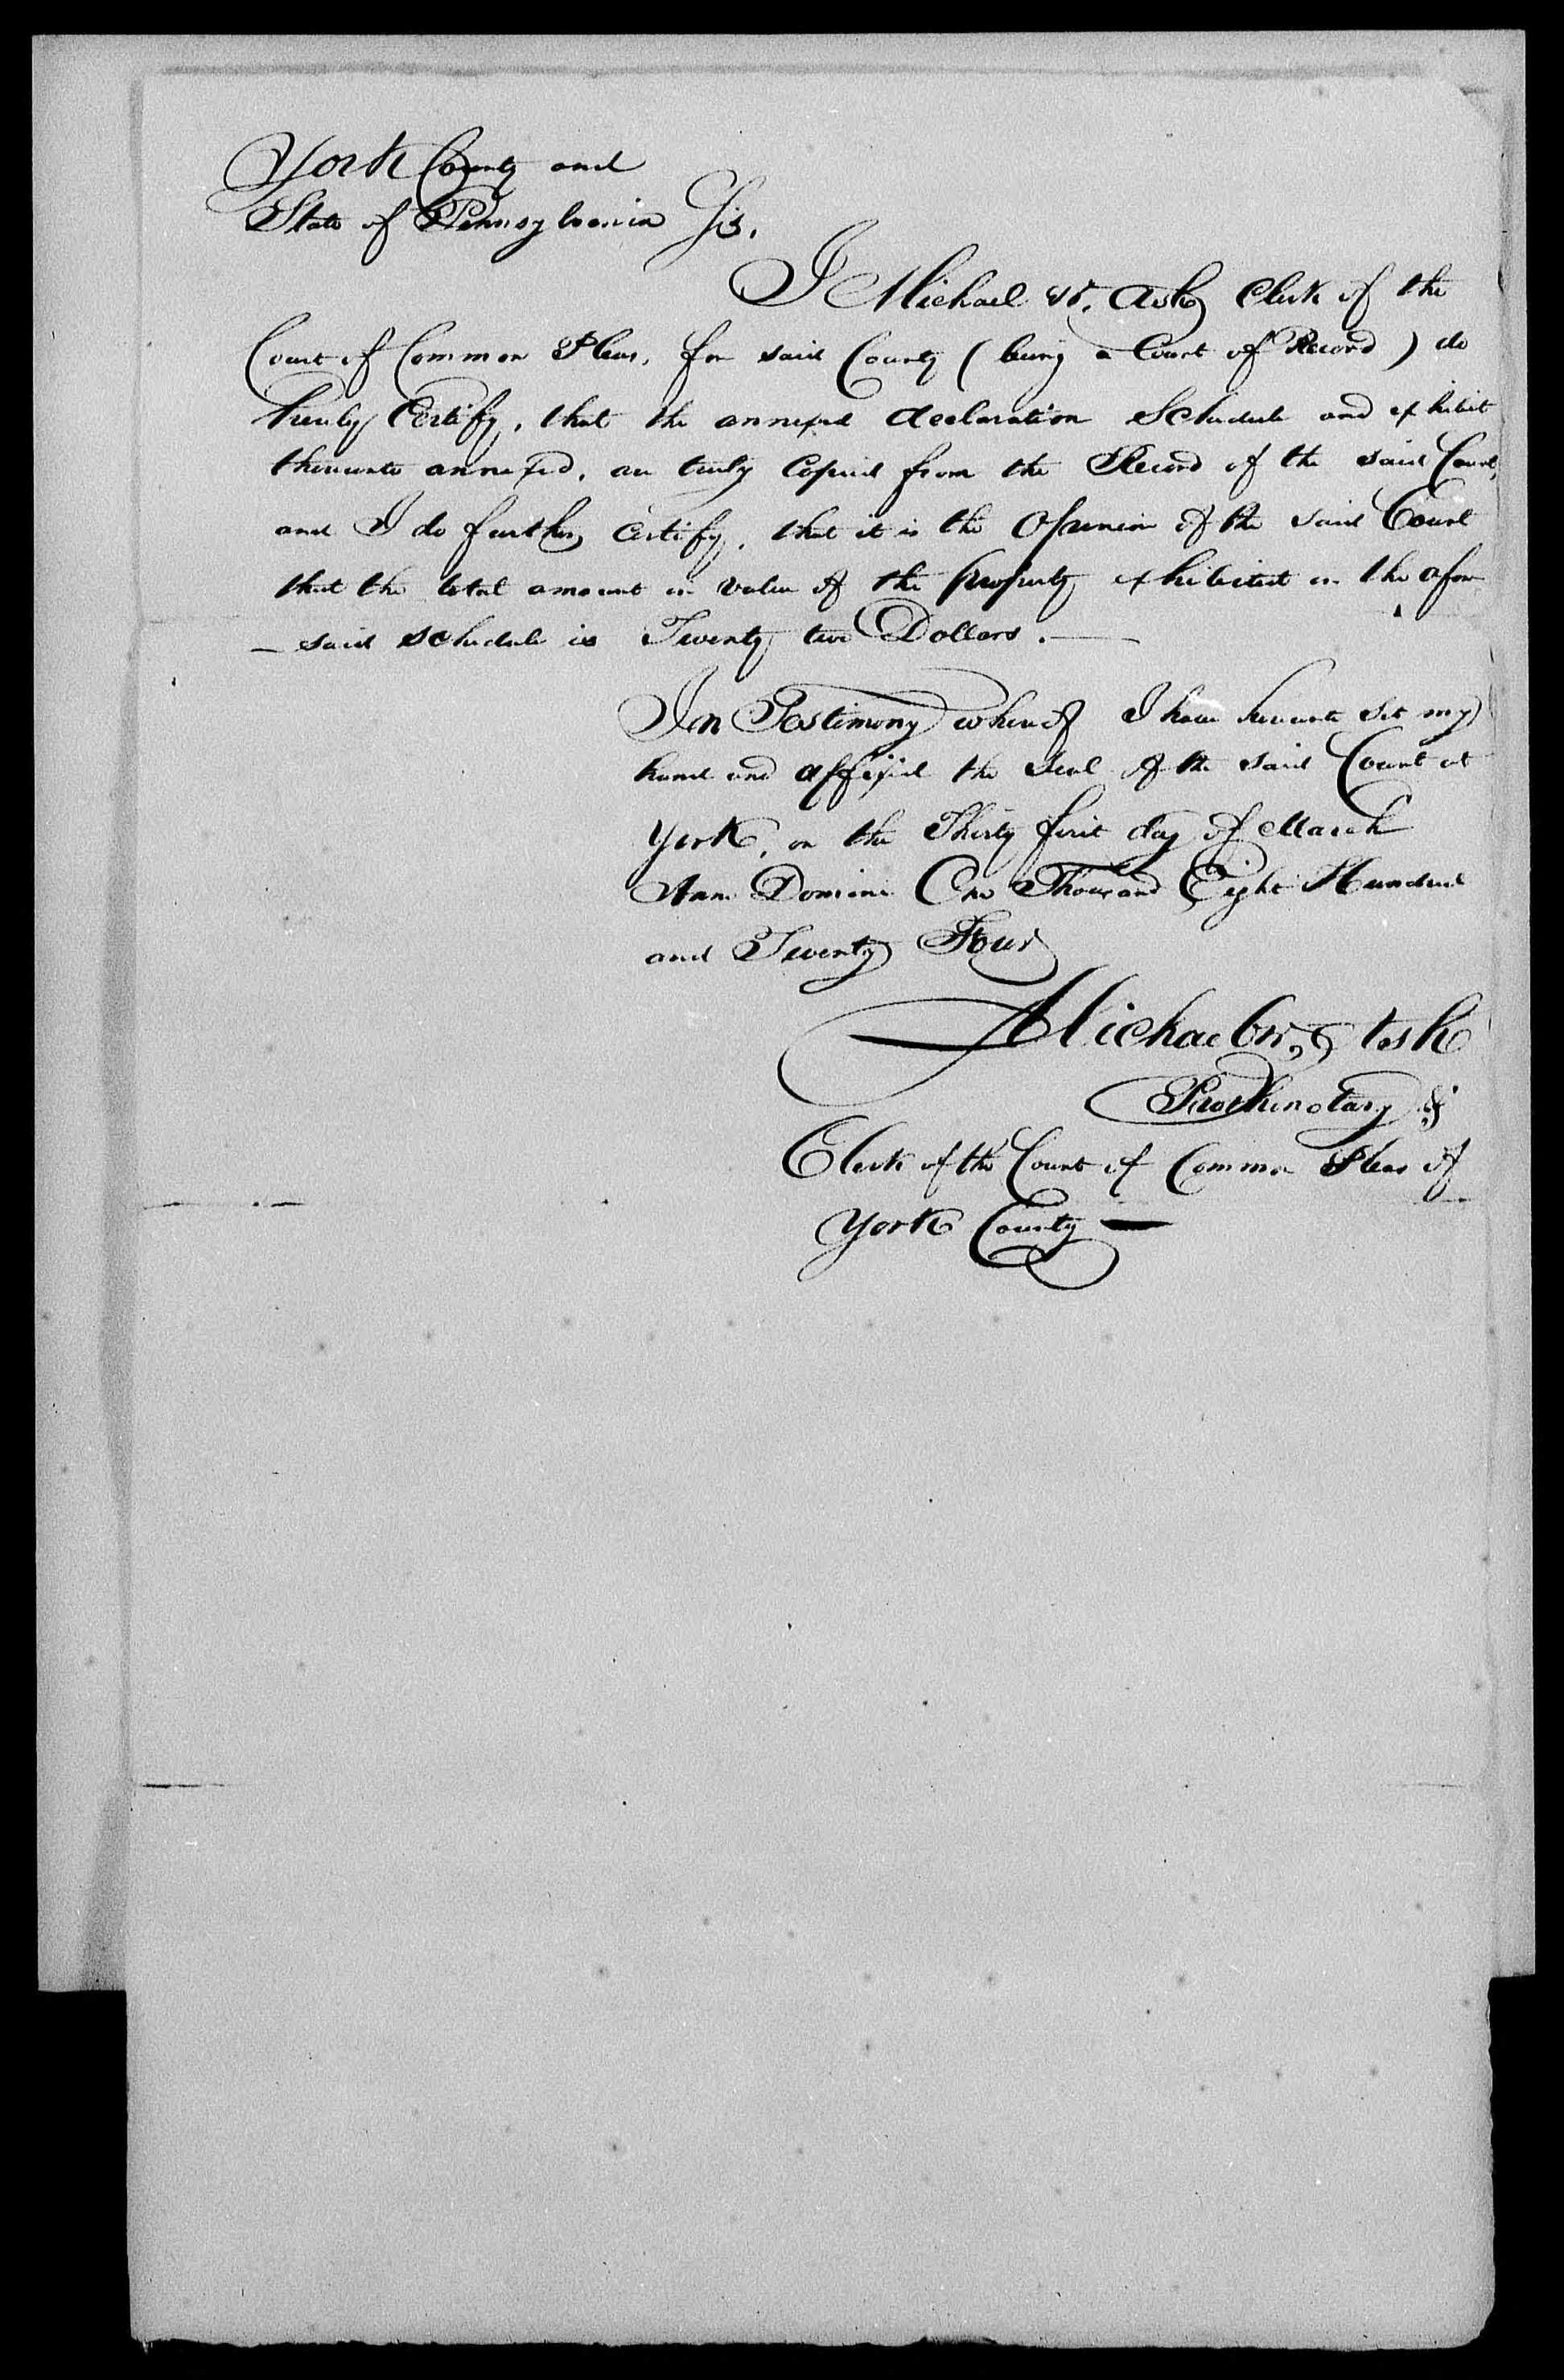York County and 
State of Pennsylvania ss

I Michael H. Ash Clerk of the Court of Common Pleas, for said County (being a court of record) do hereby certify, that the annexed declaration 
Schedule and exhibit thereunto annexed, are truly copied from the Record of the said Court 
that the total mount in value of the property exhibited in the aforesaid schedule is Twenty two Dollars.  

In Testimony whereof I have hereunto set my  hand and affixed the seal of the said Court at York, on the Thirty first day of March Ann. Domiani One Thousand eight Hundred and Twenty Four
Michael (?) Ash 
(?) Clerk of the court of Common Pleas of York County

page: 9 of 9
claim: survivor's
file: S. 40,555, for John Taylor, New Jersey